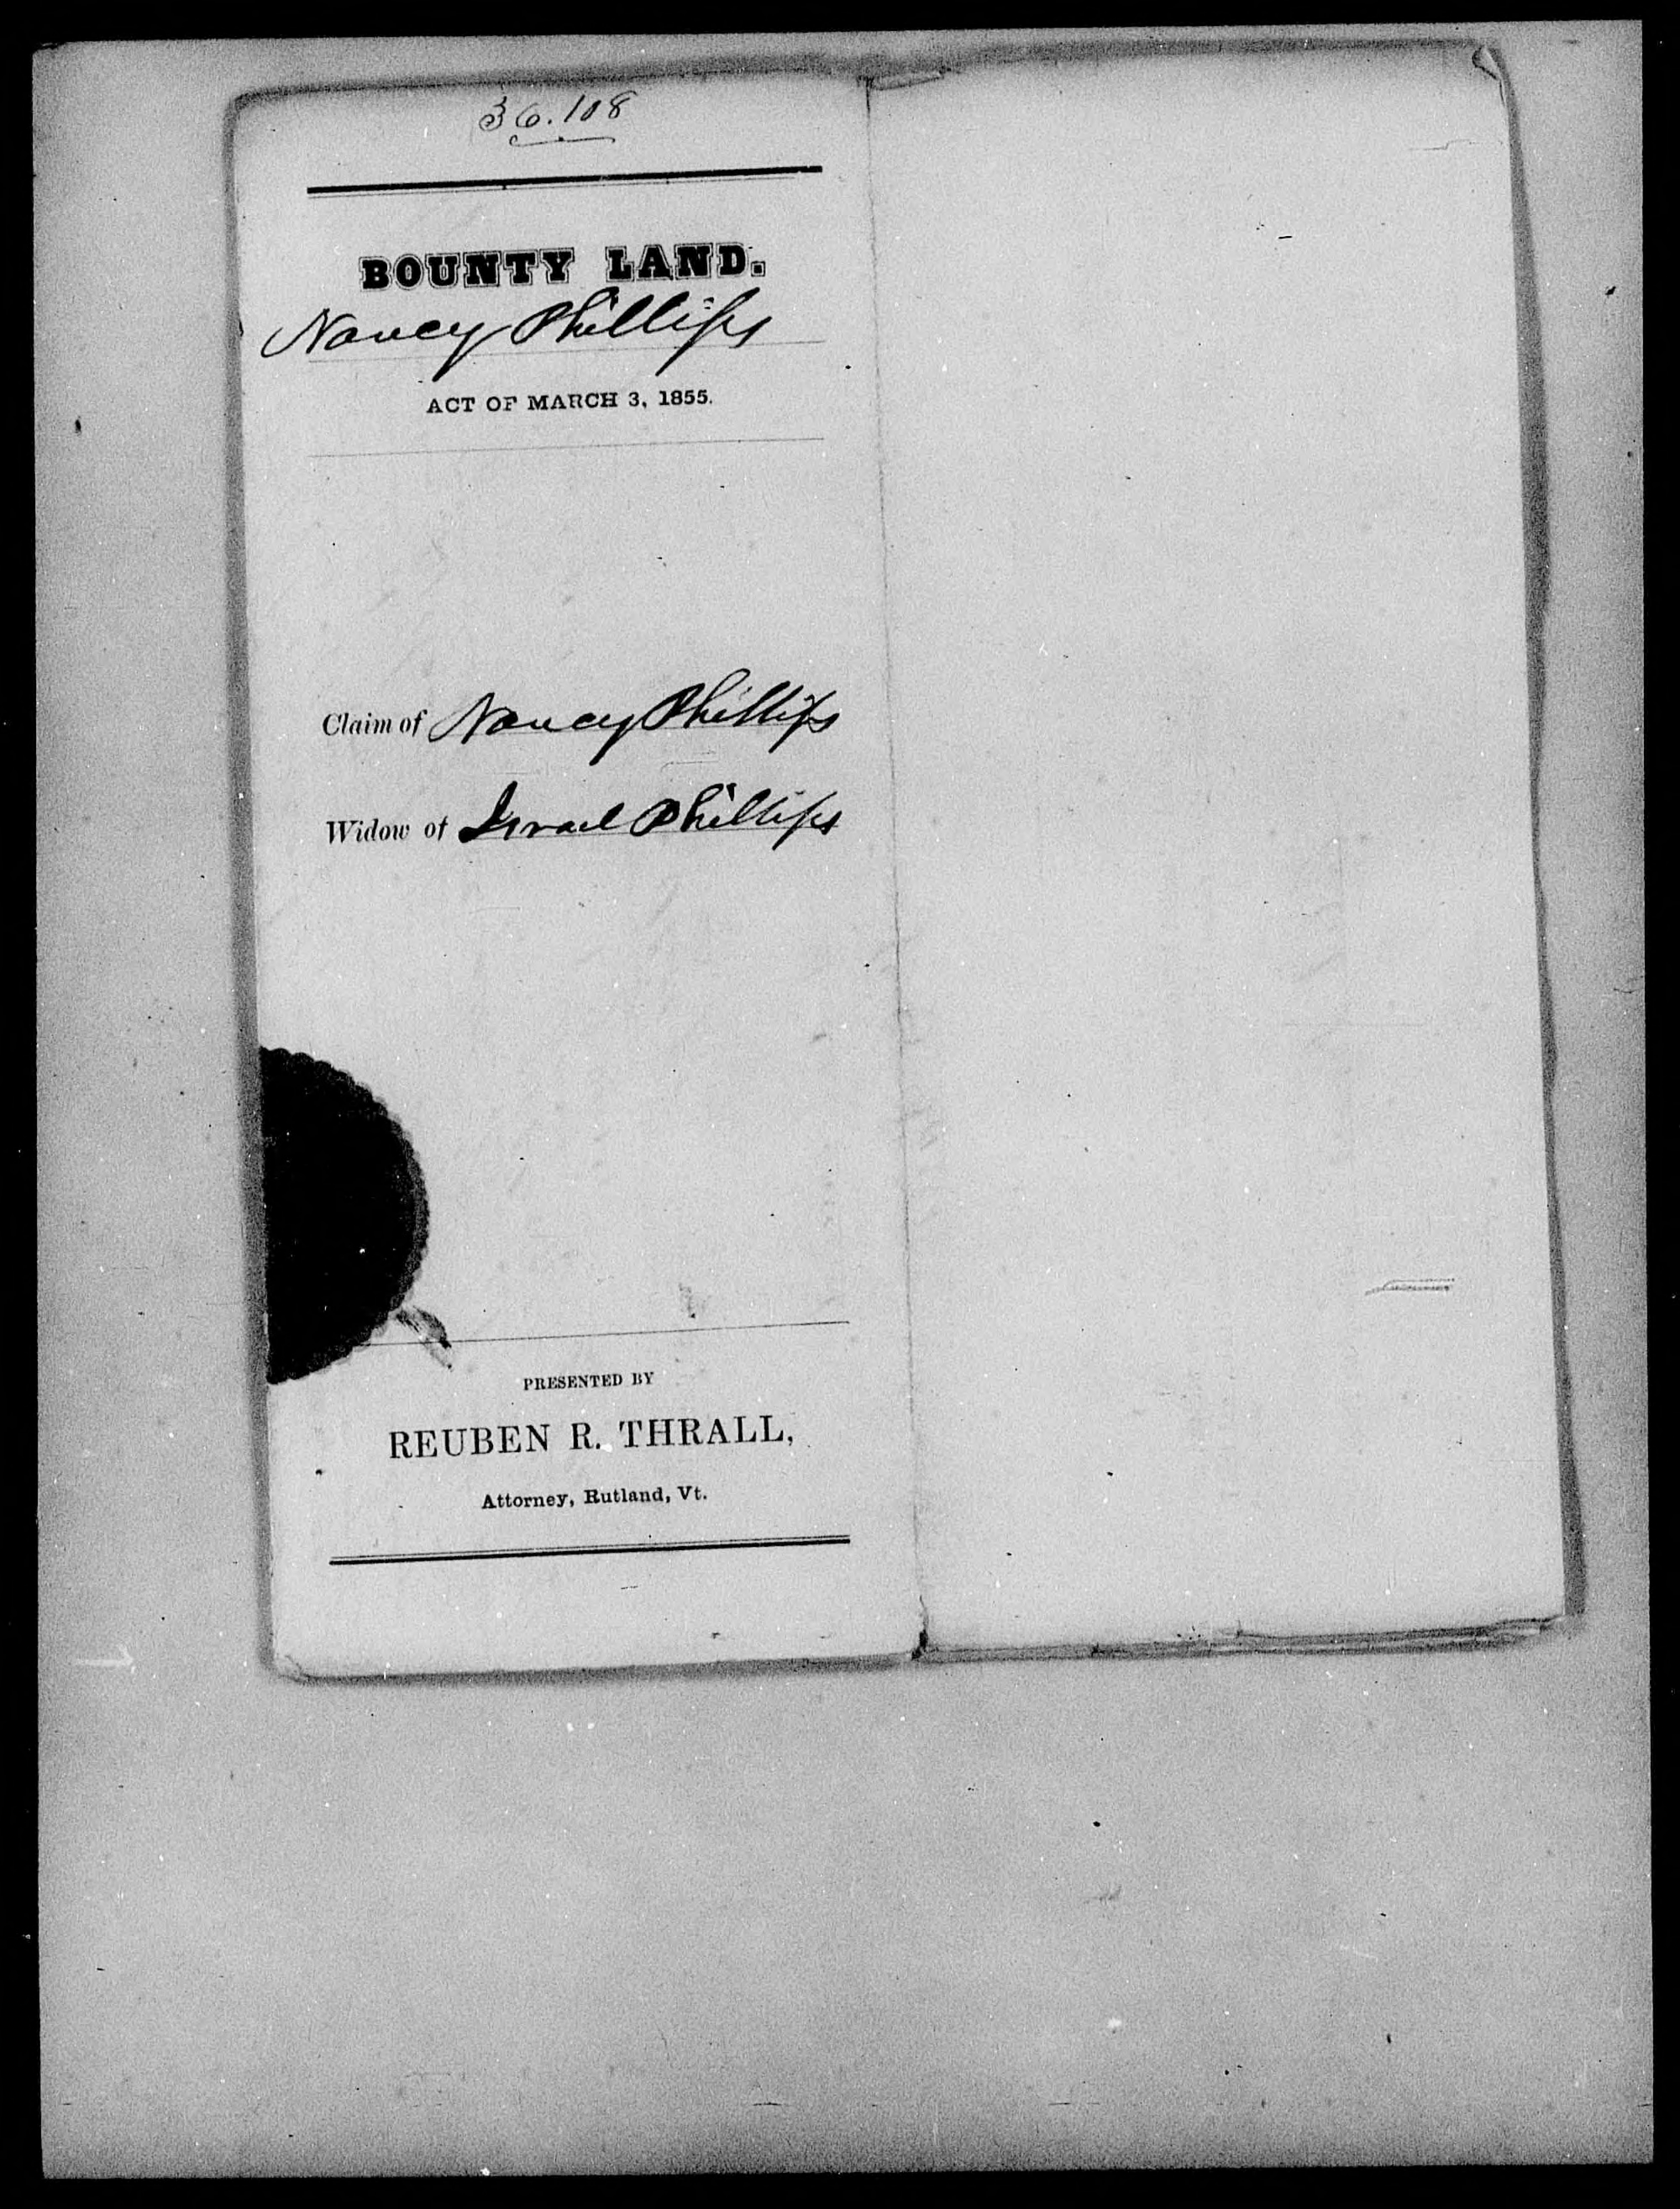36.108
BOUNTY LAND
Nancy Phillips
ACT OF MARCH 3, 1855

Claim of Nancy Phillips
Widow of Israel Phillips

Presented By
REUBEN R. THRALL,
Attorney, Rutland, Vt.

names: Israel Phillips; Nancy Phillips; Reuben R Thrall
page: 8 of 66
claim: widow's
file: W. 18752, for Israel Phillips, Rhode Island